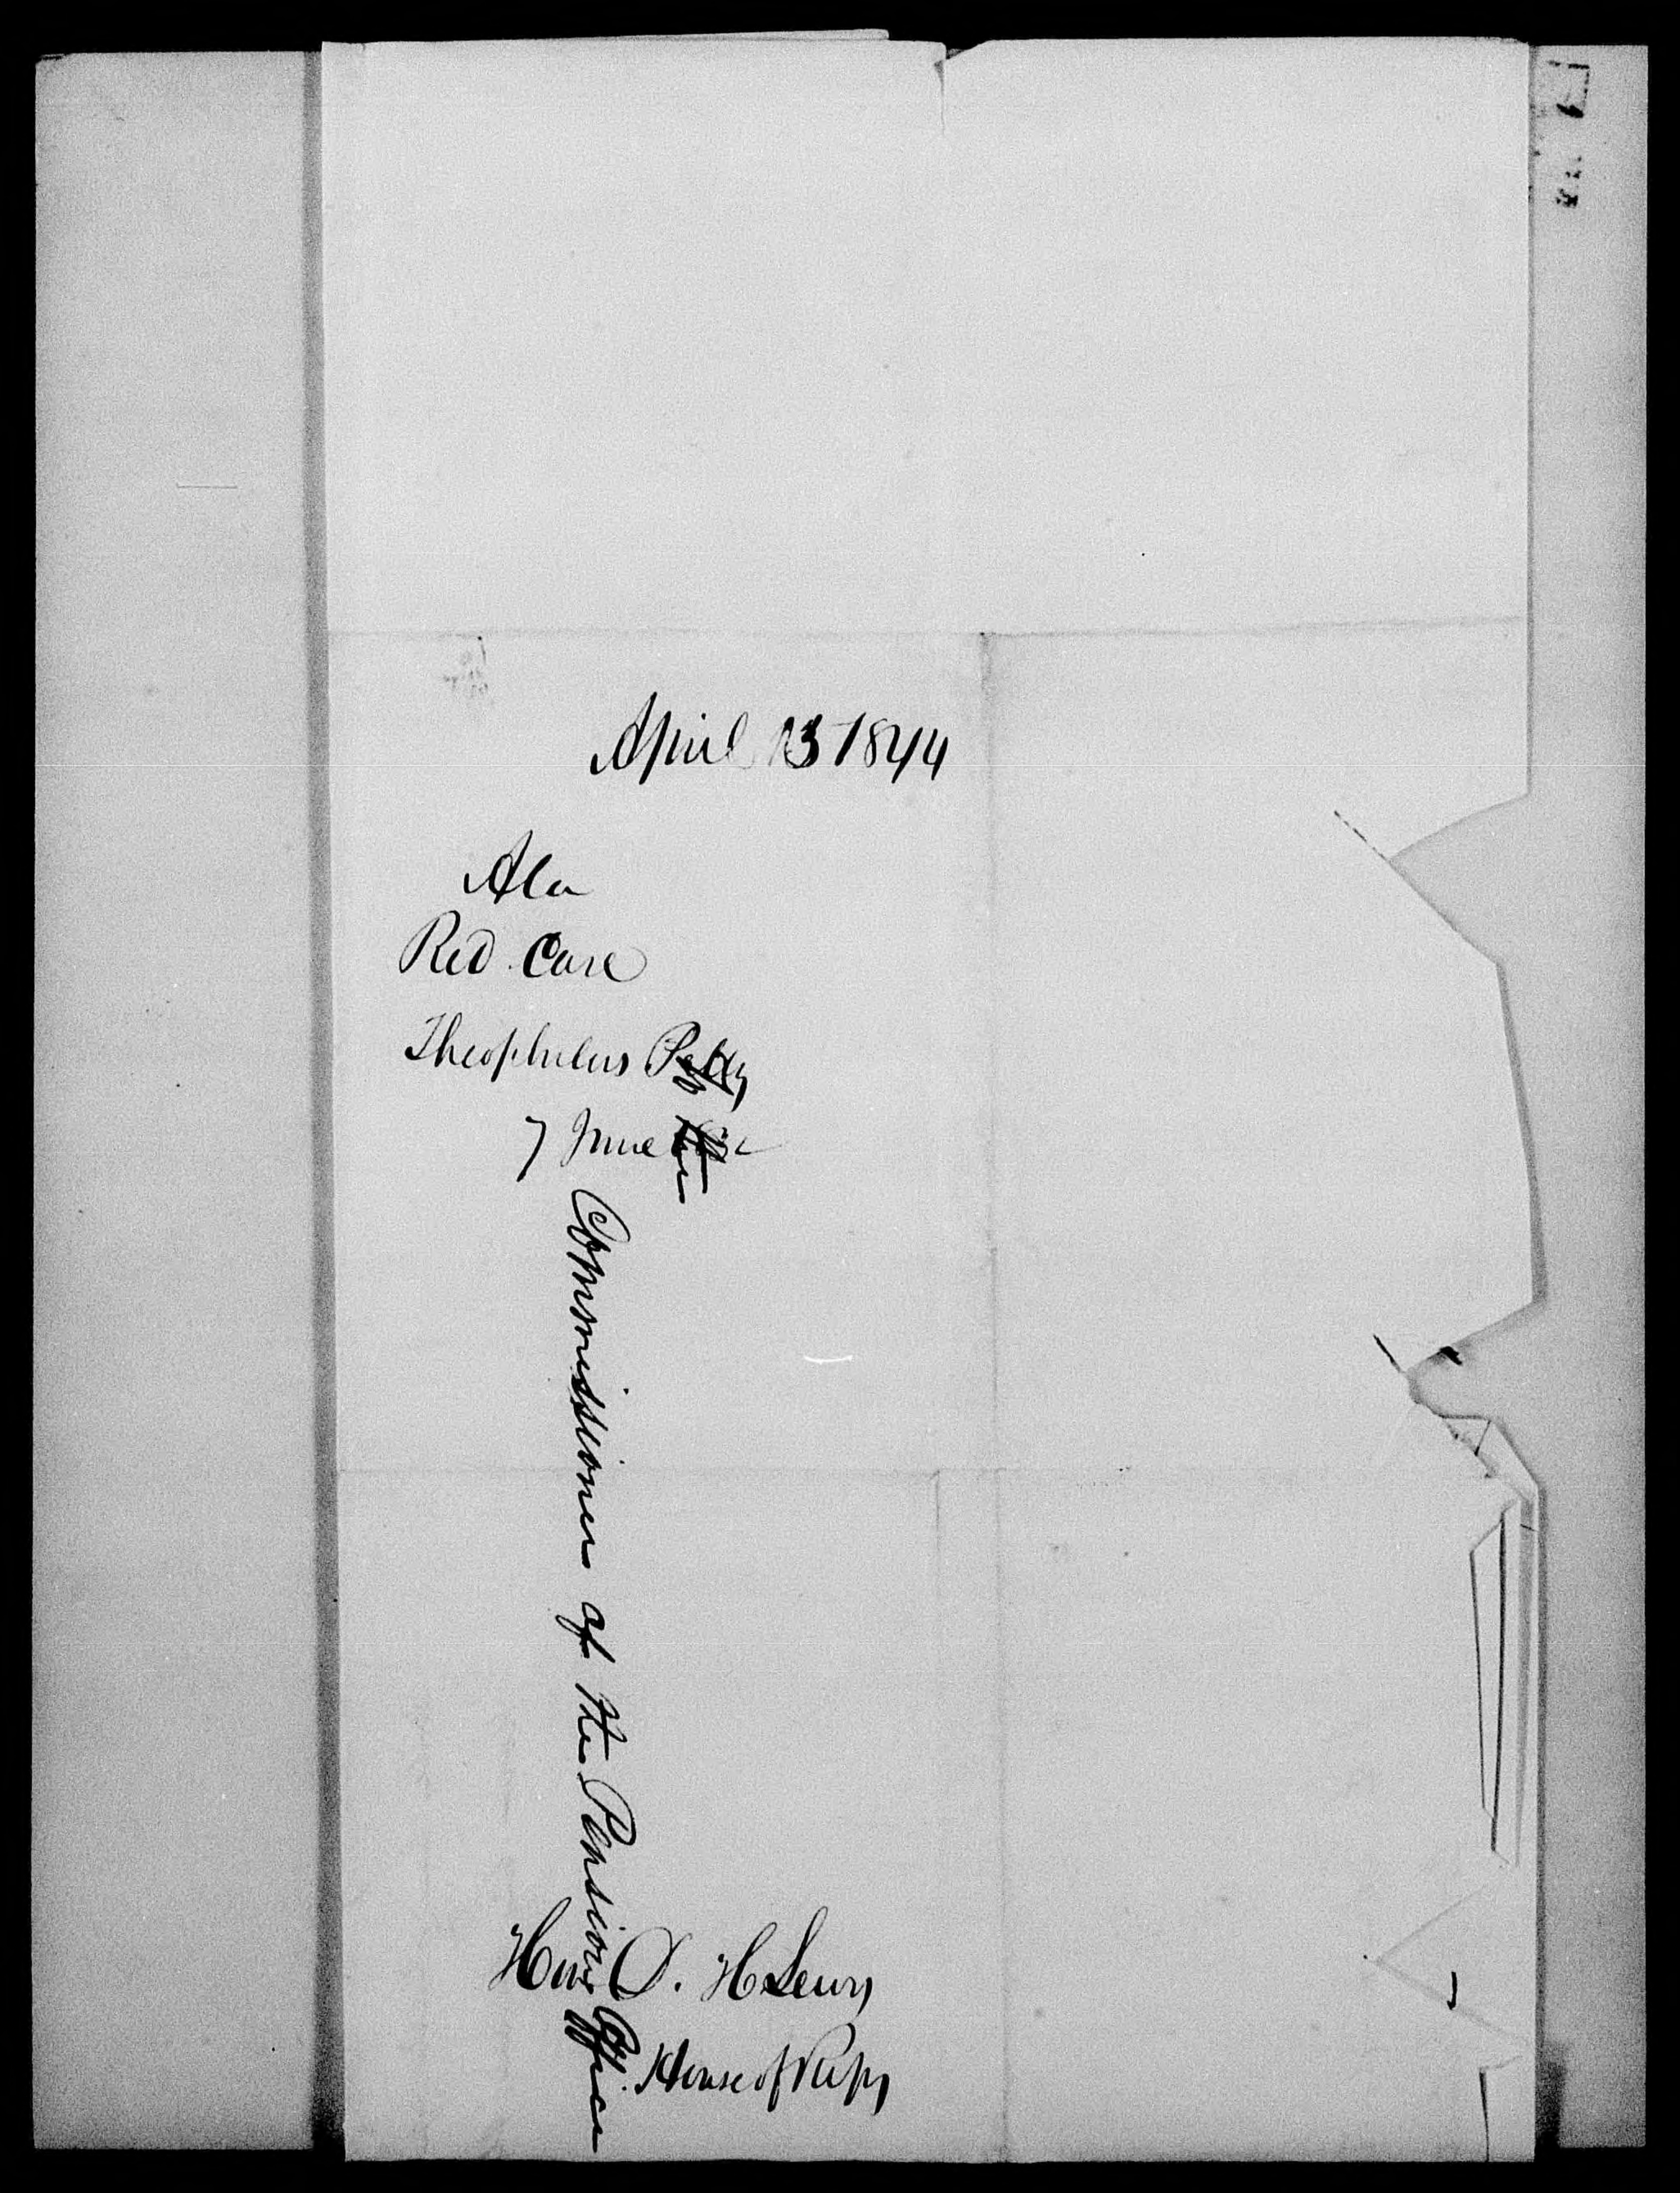April 13 1844
Ala
Rev war
Theophilus Petty
7 June 32

To The 
Commissioner of the pension office

Hon D H Lewis
House of Reps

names: D H Lewis; Theophilus Petty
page: 15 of 26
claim: rejected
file: R. 8,161, for Theophilus Petty, South Carolina